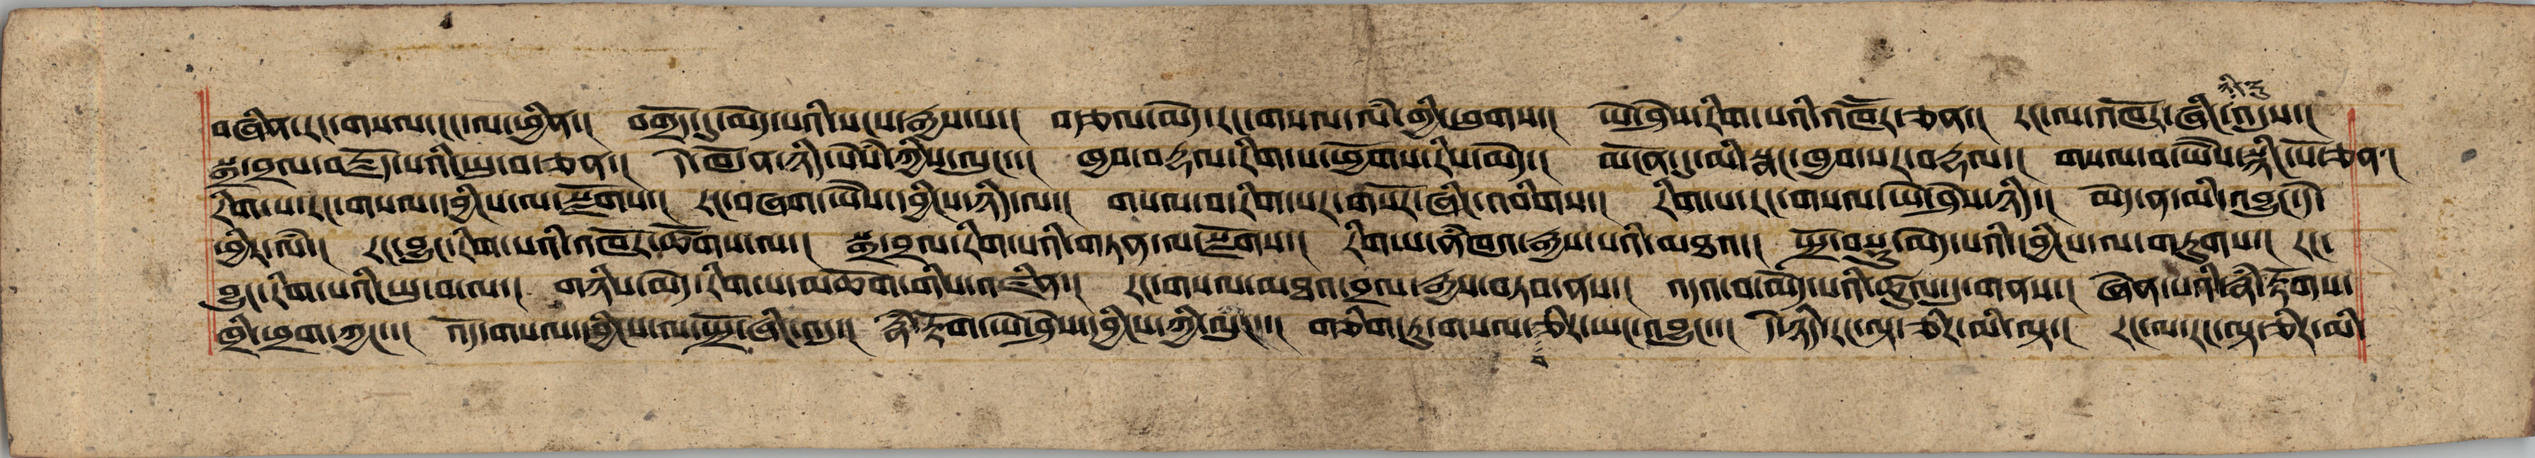བཞིན་རང་གསལ་ངང་ལ་ཕྱིན་། བགྲོད་དུ་མེད་པའི་སངས་རྒྱས་པ་། བརྩལ་མེད་རང་གསལ་ལཾ་གྱི་ཕུགས་། ཡེ་ཤེས་རིག་པའི་འཁཽར་ཅན་། རང་ལ་འཁོར་ཞིང་ཉིང་དུ་འདུས་།
སྒྲ་བྲལ་བརྗོད་པའི་ཡུ་བ་ཅན་། དེ་ཁོ་ན་ཉིད་སེཾས་ཀྱིས་ལུང་་། ཁྱབ་བརྡལ་རིག་པ་ཕྱོགས་རིས་མེད་། མངོན་དུ་མི་སྣང་ཁྱབ་པར་བརྡལ་། གསལ་བ་ཡཻས་སྙིང་པོ་ཅན
རིག་པ་རང་གསལ་དབྱིངས་ལ་སྫོགས་། རང་བཞག་ཡཻས་དབྱིངས་ཉིད་ལ་། གསལ་བ་རིག་པར་གསོར་ཞིང་འབིགས་། རིག་པ་རང་གསལ་ཡེ་ཤེས་ཉིད་། མེད་ན་མི་འབྱུང་དེ་
ཕྱིར་ལཾ་། རང་བྱུང་རིག་པའི་འཁོར་ཚོགས་ལ་། སྒྲ་བྲལ་རིག་པའི་གཏན་ལ་སྫོགས་། རིག་པ་ནཾཁའ་རྒྱས་པའི་མཐའ་། སྤྲོ་བསྡུ་མེད་པའི་དབྱིངས་ལ་གཏུགས་། རང་
བྱུང་རིག་པའི་ཡུ་བ་ལ་། གཉིས་མེད་རིག་པ་མཆོག་གིས་འཛིན་། རང་གསལ་མཐའ་བྲལ་རྒྱས་བཏབ་ནས་། འདའ་བ་མེད་པའི་ཚུལ་དུ་གནས་། ཞེན་པའི་རྣཾ་རྟོགས་
ཁྲི་ཕྲག་ཀྱང་་། འོད་གསལ་དབྱིངས་ལ་སྤྲོ་ཞིང་འདུ་། རྣཾ་རྟོག་ཡེ་ཤེས་དབྱིངས་ཀྱི་ལུང་་། གཅིག་ཏུ་གསལ་ཅིར་ཡང་འབྱུང་་། དེ་ཉིད་རང་ལྟར་ཅིར་མི་ལྟ་། རང་ལ་རང་ལྟ་ཅིར་མི་